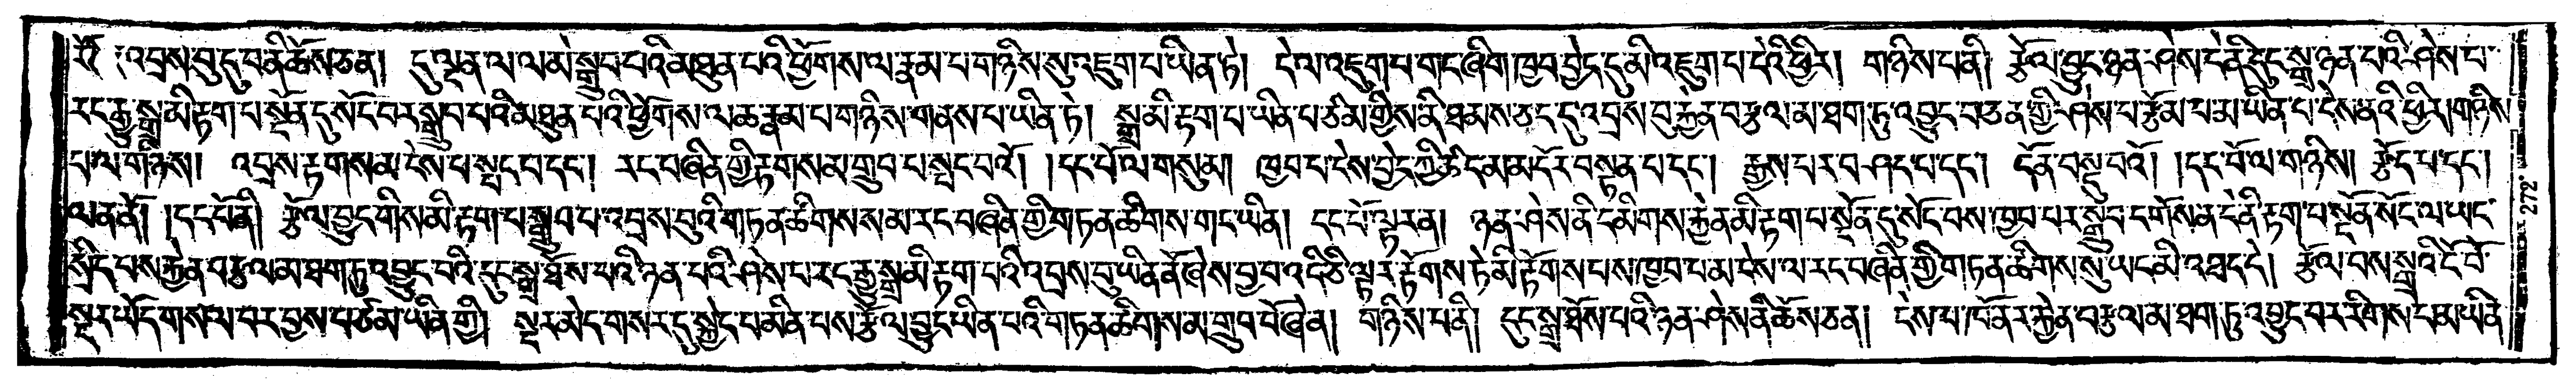རོ༑ ༑འབྲས་བུ་དུ་བ་ནི་ཆོས་ཅན། དུ་ལྡན་ལ་ལ་མེ་སྒྲུབ་པའི་མཐུན་པའི་ཕྱོགས་ལ་རྣམ་པ་གཉིས་སུ་འཇུག་པ་ཡིན་ཏེ། དེ་ལ་འཇུག་པ་གང་ཞིག་ཁྱབ་བྱེད་དུ་མི་འཇུག་པ་དེའི་ཕྱིར། གཉིས་པ་ནི། རྩོལ་བྱུང་ཉན་ཤེས་དེ་ནི་དུང་སྒྲ་ཉན་པའི་ཤེས་པ་
རང་རྒྱུ་སྒྲ་མི་རྟག་པ་སྔོན་དུ་སོང་བར་སྒྲུབ་པའི་མཐུན་པའི་ཕྱོགས་ལ་ཆ་རྣམ་པ་གཉིས་གནས་པ་ཡིན་ཏེ། སྒྲ་མི་རྟག་པ་ཡིན་པ་ཙམ་གྱིས་ནི་ཐམས་ཅད་དུ་འབྲས་བུ་རྐྱེན་བརྩལ་མ་ཐག་ཏུ་འབྱུང་བ་ཅན་གྱི་ཤེས་པ་རྩོམ་པ་མ་ཡིན་པ་དེས་ནའི་ཕྱིར། གཉིས་
པ་ལ་གཉིས། འབྲས་རྟགས་མ་ངེས་པ་སྤང་བ་དང་། རང་བཞིན་གྱི་རྟགས་མ་གྲུབ་པ་སྤང་པའོ། །དང་པོ་ལ་གསུམ། ཁྱབ་པ་ངེས་བྱེད་ཀྱི་ཚད་མ་མདོར་བསྟན་པ་དང་། རྒྱས་པར་བཤད་པ་དང་། དོན་བསྡུ་བའོ། །དང་པོ་ལ་གཉིས། རྩོད་པ་དང་།
ལན་ནོ། །དང་པོ་ནི། རྩོལ་བྱུང་གིས་མི་རྟག་བསྒྲུབ་པ་འབྲས་བུའི་གཏན་ཚིགས་མ་རང་བཞིན་གྱི་གཏན་ཚིགས་གང་ཡིན། དང་པོ་ལྟར་ན། ཉན་ཤེས་ནི་དམིགས་རྐྱེན་མི་རྟག་པ་སྔོན་དུ་སོང་བས་ཁྱབ་པར་སྒྲུབ་དགོས་ན་དེ་ནི་རྟག་པ་སྔོན་སོང་ལ་ཡང་
སྲིད་པས་རྐྱེན་བརྩལ་མ་ཐག་ཏུ་འབྱུང་བའི་དུང་སྒྲ་ཐོས་པའི་ཉན་པའི་ཤེས་པ་རང་རྒྱུ་སྒྲ་མི་རྟག་པའི་འབྲས་བུ་ཡིན་ནོ་ཞེས་བྱ་བ་འདི་ཅི་ལྟར་རྟོགས་ཏེ་མི་རྟོགས་པས་ཁྱབ་པ་མ་ངེས་ལ་རང་བཞིན་གྱི་གཏན་ཚིགས་སུ་ཡང་མི་འཐད་དེ། རྩོལ་བས་སྒྲའི་ངོ་བོ་
སྔར་ཡོད་གསལ་བར་བྱས་པ་ཙམ་ཡིན་གྱི། སྔར་མེད་གསར་དུ་སྐྱེད་པ་མིན་པས་རྩོལ་བྱུང་ཡིན་པའི་གཏན་ཚིགས་མ་གྲུབ་བོ་ཞེ་ན། གཉིས་པ་ནི། དུང་སྒྲ་ཐོས་པའི་ཉན་ཤེས་ནི་ཆོས་ཅན། ངེས་པ་ཁོ་ནར་རྐྱེན་བརྩལ་མ་ཐག་ཏུ་འབྱུང་བར་རིགས་པ་མ་ཡིན་